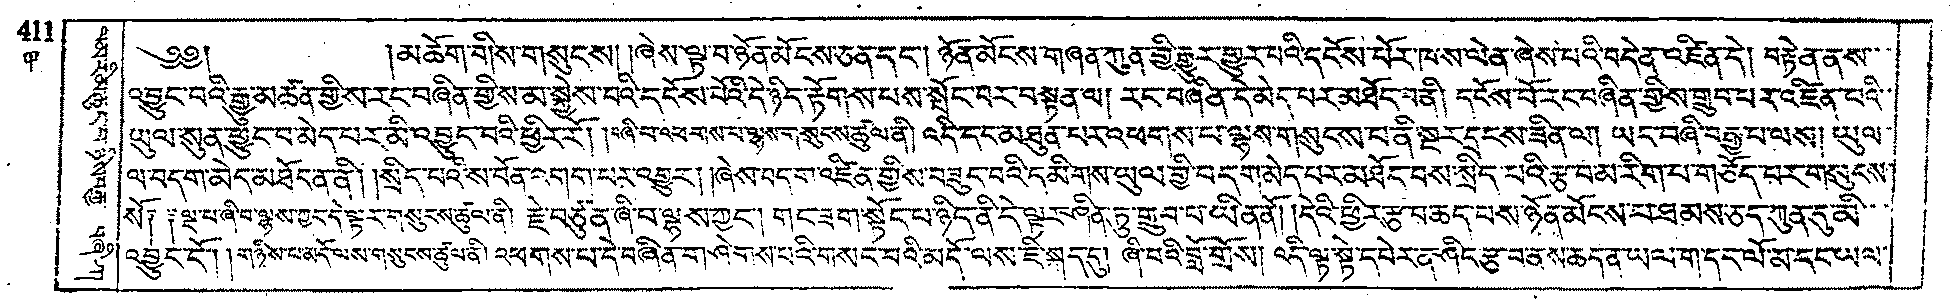༄༅། །མཆོག་གིས་གསུངས། །ཞེས་ལྟ་བ་ཉོན་མོངས་ཅན་དང་། ཉོན་མོངས་གཞན་ཀུན་གྱི་རྒྱུར་གྱུར་པའི་དངོས་པོར་ཁས་ལེན་ཞེས་པའི་བདེན་འཛིན་དེ། བརྟེན་ནས་
འབྱུང་བའི་རྒྱུ་མཚན་གྱིས་རང་བཞིན་གྱིས་མ་སྐྱེས་པའི་དངོས་པོའི་དེ་ཉིད་རྟོགས་པས་སྤོང་བར་བསྟན་ལ། རང་བཞིན་དེ་མེད་པར་མཐོང་བ་ནི། དངོས་པོ་རང་བཞིན་གྱིས་གྲུབ་པར་འཛིན་པའི་
ཡུལ་སུན་ཕྱུང་བ་མེད་པར་མི་འབྱུང་བའི་ཕྱིར་རོ། །བཞི་པ་འཕགས་པ་ལྷས་གསུངས་ཚུལ་ནི།  འདི་དང་མཐུན་པར་འཕགས་པ་ལྷས་གསུངས་པ་ནི་སྔར་དྲངས་ཟིན་ལ། ཡང་བཞི་བརྒྱ་པ་ལས། ཡུལ་
ལ་བདག་མེད་མཐོང་ན་ནི། །སྲིད་པའི་ས་བོན་འགག་པར་འགྱུར། །ཞེས་བདག་འཛིན་གྱིས་བཟུང་བའི་དམིགས་ཡུལ་གྱི་བདག་མེད་པར་མཐོང་བས་སྲིད་པའི་རྩ་བ་མ་རིག་པ་གཅོད་པར་གསུངས་
སོ༑ ༑ལྔ་པ་ཞི་བ་ལྷས་ཀྱང་དེ་ལྟར་གསུངས་ཚུལ་ནི།  རྗེ་བཙུན་ཞི་བ་ལྷས་ཀྱང་། གང་ཟག་སྟོང་པ་ཉིད་ནི་དེ་ལྟར་ཤིན་ཏུ་གྲུབ་པ་ཡིན་ནོ། །དེའི་ཕྱིར་རྩ་བ་ཆད་པས་ཉོན་མོངས་པ་ཐམས་ཅད་ཀུན་དུ་མི་
འབྱུང་ངོ། །གཉིས་པ་མདོ་ལས་གསུངས་ཚུལ་ནི།  འཕགས་པ་དེ་བཞིན་གཤེགས་པའི་གསང་བའི་མདོ་ལས་ཇི་སྐད་དུ། ཞི་བའི་བློ་གྲོས། འདི་ལྟ་སྟེ་དཔེར་ན་ཤིང་རྩ་བ་ནས་ཆད་ན་ཡལ་ག་དང་ལོ་མ་དང་ཡལ་